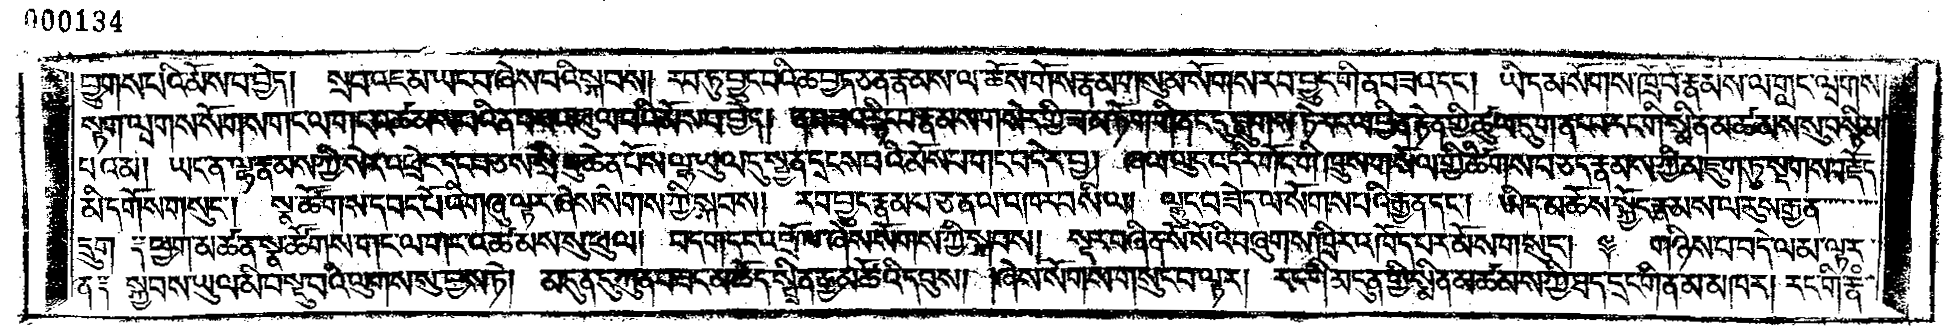བྱུགས་པའི་མོས་པ་བྱེད། སྲབ་འཇམ་ཡང་བ་ཞེས་པའི་སྐབས། རབ་ཏུ་བྱུང་བའི་ཆ་བྱད་ཅན་རྣམས་ལ་ཆོས་གོས་རྣམ་གསུམ་སོགས་རབ་བྱུང་གི་ན་བཟའ་དང་། ཡི་དམ་སོགས་ཁྲོ་བོ་རྣམས་ལ་གླང་ལྤགས་
སྟག་ལྤགས་སོགས་གང་ལ་གང་འཚམས་པའི་ན་བཟའ་ཕུལ་བའི་མོས་པ་བྱེད། ན་བཟའ་རྙིང་པ་རྣམས་གསེར་གྱི་ཟ་མ་ཏོག་གི་ནང་དུ་བླུགས་ཏེ་རང་ལ་བྱིན་རྟེན་གྱི་ཚུལ་དུ་གནང་བ་རང་གི་སྨིན་མཚམས་སུ་བསྟིམ་
པའམ། ཡང་ན་ལྷ་རྣམས་ཀྱི་སེར་འཕྲེང་དང་བཅས་སྲི་ཞུ་ཆེན་པོས་ལྷ་ཡུལ་དུ་སྤྱན་དྲངས་བའི་མོས་པ་གང་བདེར་བྱ། ཞལ་ལུང་འདིར་གོང་གི་ཁྲུས་གསོལ་གྱི་ཚིགས་བཅད་རྣམས་ཀྱི་མཇུག་ཏུ་སྔགས་བརྗོད་
མི་དགོས་གསུང་། སྣ་ཚོགས་དབང་པོའི་གཞུ་ལྟར་ཞེས་སོགས་ཀྱི་སྐབས། རབ་བྱུང་རྣམ་པ་ཅན་ལ་འཁར་བསིལ། ལྷུང་བཟེད་ལ་སོགས་པའི་རྒྱན་དང་། ཡི་དམ་ཆོས་སྐྱོང་རྣམས་ལ་རུས་རྒྱན་
དྲུག ༑ཕྱག་མཚན་སྣ་ཚོགས་གང་ལ་གང་འཚམས་སུ་ཕུལ། བདག་དང་འགྲོལ་ཞེས་སོགས་ཀྱི་སྐབས། སྔར་བཞིན་སོ་སོའི་བཞུགས་ཁྲིར་འཁོད་པར་མོས་གསུང་། ༈ གཉིས་པ་བདེ་ལམ་ལྟར་
ན༑ སྐྱབས་ཡུལ་མི་བསྡུ་བའི་ལུགས་སུ་བྱས་ཏེ། མདུན་དུ་ཀུན་བཟང་མཆོད་སྤྲིན་རྒྱ་མཚོའི་དབུས། །ཞེས་སོགས་གསུང་པ་ལྟར། རང་གི་མདུན་གྱི་སྨིན་མཚམས་ཀྱི་ཐད་དྲང་གི་ནམ་མཁར། རང་གི་རྣཾ་